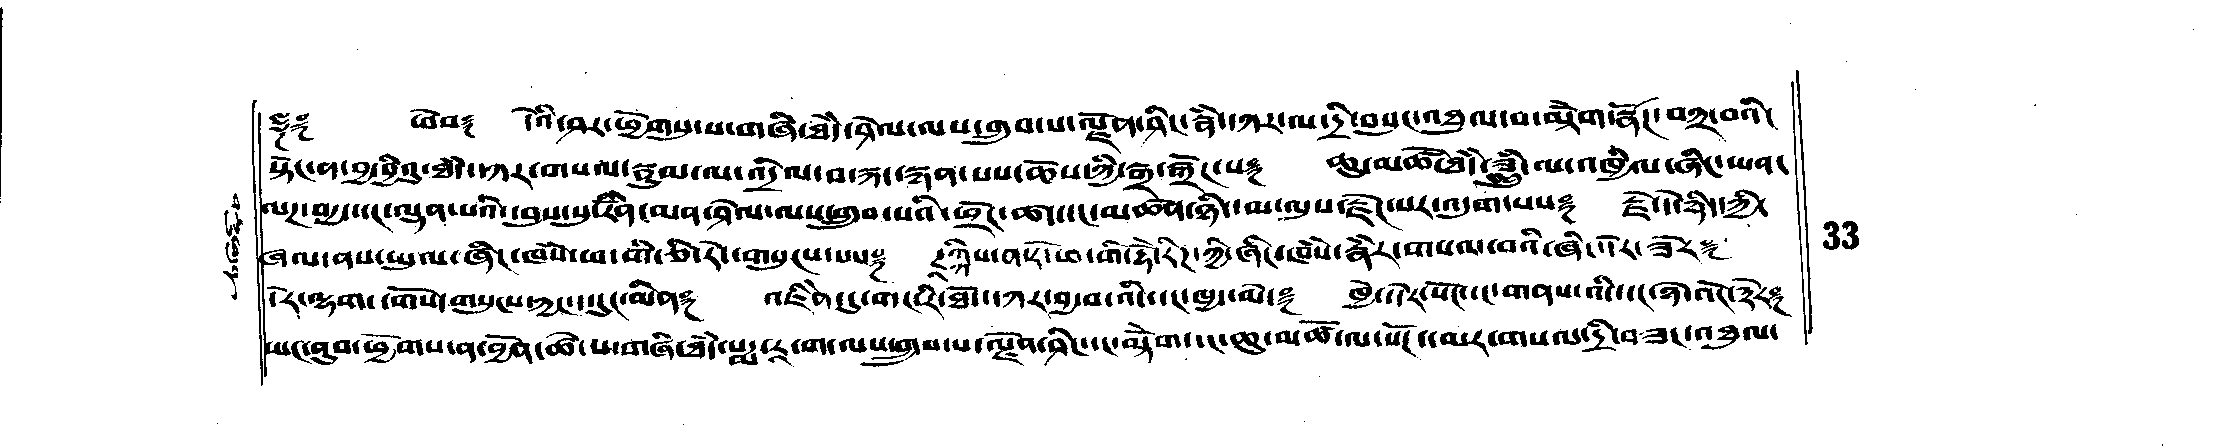ཕེབས། དེའི་ཤར་ཕྱོགས་སུ་ས་གཞི་ཐམས་ཅད་ཤེལ་ལས་གྲུབ་པ་ལྗོན་ཤིང་རྣམས་དཀར་ལ་དྲི་བསུང་འཐུལ་བ་མེ་ཏོག་སྣ་ཚོགས་བཀྲ་བའི་
སྟེང་ན་བྱ་བྱིའུ་ཐམས་ཅད་དཀར་གསལ་སྣུམ་ལ་འདྲེལ་བ་སྐད་སྙན་པས་ཆོས་ཀྱི་སྒྲ་སྒྲོག་པ། ཆུ་མཚོ་ཐམས་ཅད་ཟླུམ་ལ་འཁྱིལ་ཞིང་ཡན་
ལག་བརྒྱད་དང་ལྡན་པའི་དབུས་སུ་རིན་པོ་ཆེ་མན་ཤེལ་ལས་གྲུབ་པའི་ཕོ་བྲང་ཚད་དང་མཚན་ཉིད་མ་ལུས་རྫོགས་པར་འདུག་པས། རྗེ་དེ་ཉིད་ཀྱི་
ཞལ་ནས་ཡུལ་ཞིང་ཁམས་ཕ་གི་ཅི་རེད་གསུངས་པས།ཌཱཀྐི་ན་རེ་ཕ་གི་རྡོ་རྗེ་རིགས་ཀྱི་ཞིང་ཁམས་རྣམ་པར་གསལ་བའི་ཞིང་དེར་ཟེར། 
དེར་ལྷགས་དགོས་གསུངས་ཀྱང་ད་དུང་མིན། འཇིག་རྟེན་དུ་གངས་རི་ཐོད་དཀར་བྱ་བ་འདི་དང་ཁྱད་མེད། ཁྱེད་དེར་སོང་དང་གནས་འདི་དང་ཉེ་འོང་ཟེར། 
ཡང་ནུབ་ཕྱོགས་ན་བྱོན་ཚེ་ས་གཞི་ཐམས་ཅད་པདྨ་རཱ་ག་ལས་གྲུབ་པ་ལྗོན་ཤིང་དང་མེ་ཏོག་དང་ཆུ་མཚོ་ལ་སོགས་དམར་གསལ་དྲི་བཟང་འཐུལ་